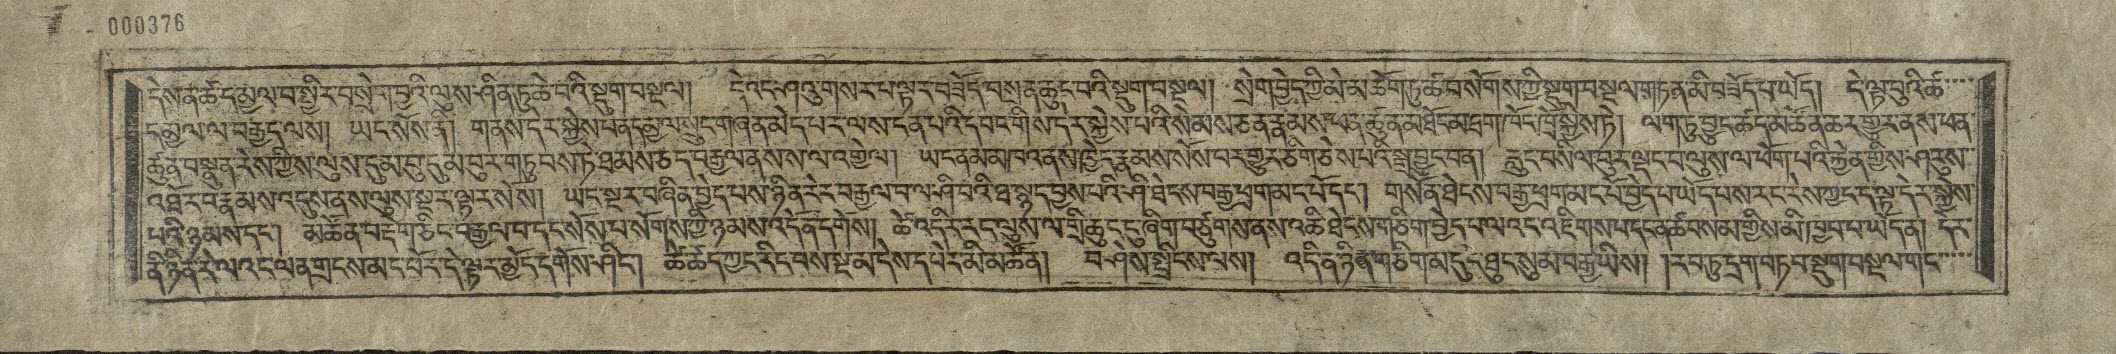དེས་ན་ཚ་དམྱལ་བ་སྤྱིར་བསྲེག་བྱའི་ལུས་ཤིན་ཏུ་ཆེ་བའི་སྡུག་བསྔལ། དེའང་ཤའུ་གསར་པ་ལྟར་བཟོད་བསྲན་ཆུང་བའི་སྡུག་བསྔལ། སྲེག་བྱེད་ཀྱི་མེ་མཆོག་ཏུ་ཚ་བ་སོགས་ཀྱི་སྡུག་བསྔལ་གཏན་མི་བཟོད་པ་ཡོད། དེ་ལྟ་བུའི་ཚ་
དམྱལ་ལ་བརྒྱད་ལས། ཡང་སོས་ནི། གནས་དེར་སྐྱེས་པ་ན་དམྱལ་སྲུང་གཞན་མེད་པར་ལས་ངན་པའི་དབང་གིས་དེར་སྐྱེས་པའི་སེམས་ཅན་རྣམས་ཕན་ཚུན་མཐོང་མ་ཐག་ཁོང་ཁྲོ་སྐྱེས་ཏེ། ལག་ཏུ་བྱུང་ཚད་མཚོན་ཆར་གྱུར་ནས་ཕན་
ཚུན་བསྣུན་རེས་ཀྱིས་ལུས་དུམ་བུ་དུམ་བུར་གཏུབས་ཏེ་ཐམས་ཅད་བརྒྱལ་ནས་ས་ལ་འགྱེལ། ཡང་ནམ་མཁའ་ནས་ཁྱེད་རྣམས་སོས་པར་གྱུར་ཅིག་ཅེས་པའི་སྒྲ་བྱུང་བ་ན། རླུང་བསིལ་བུར་ལྡང་བ་ལུས་ལ་ཕོག་པའི་རྐྱེན་གྱིས་ཤ་རུས་
འཐོར་བ་རྣམས་འདུས་ནས་ལུས་སྔར་ལྟར་སོས། ཡང་སྔར་བཞིན་བྱེད་པས་ཉིན་རེར་བརྒྱལ་བ་ལ་ཤི་བའི་ཐ་སྙད་བྱས་པའི་ཤི་ཐེངས་བརྒྱ་ཕྲག་མང་པོ་དང་། གསོན་ཐེངས་བརྒྱ་ཕྲག་མང་པོ་བྱེད་པ་ཡོད་པས་རང་རེས་ཀྱང་ད་ལྟ་དེར་སྐྱེས་
པའི་ཉམས་དང་། མཚོན་བརྡེག་ཅིང་བརྒྱལ་བ་དང་སོས་པ་སོགས་ཀྱི་ཉམས་འདོན་དགོས། ཚེ་འདིར་རང་ལུས་ལ་གྲི་ཆུང་ངུ་ཞིག་བཙུགས་ནས་འཆི་ཐེངས་གཅིག་བྱེད་པ་ལའང་འཇིགས་པ་དང་ན་ཚ་བསམ་གྱིས་མི་ཁྱབ་པ་ཡོད་ན། དེར་
ནི་ཉིན་རེ་ལའང་ལན་གྲངས་མང་པོར་དེ་ལྟར་མྱོང་དགོས་ཤིང་། ཚེ་ཚད་ཀྱང་རིང་བས་སྔ་མ་དེས་དཔེར་མི་མཚོན། བཤེས་སྤྲིངས་ལས། འདི་ན་ཉིན་གཅིག་མདུང་ཐུང་སུམ་བརྒྱ་ཡིས། །རབ་ཏུ་དྲག་བཏབ་སྡུག་བསྔལ་གང་